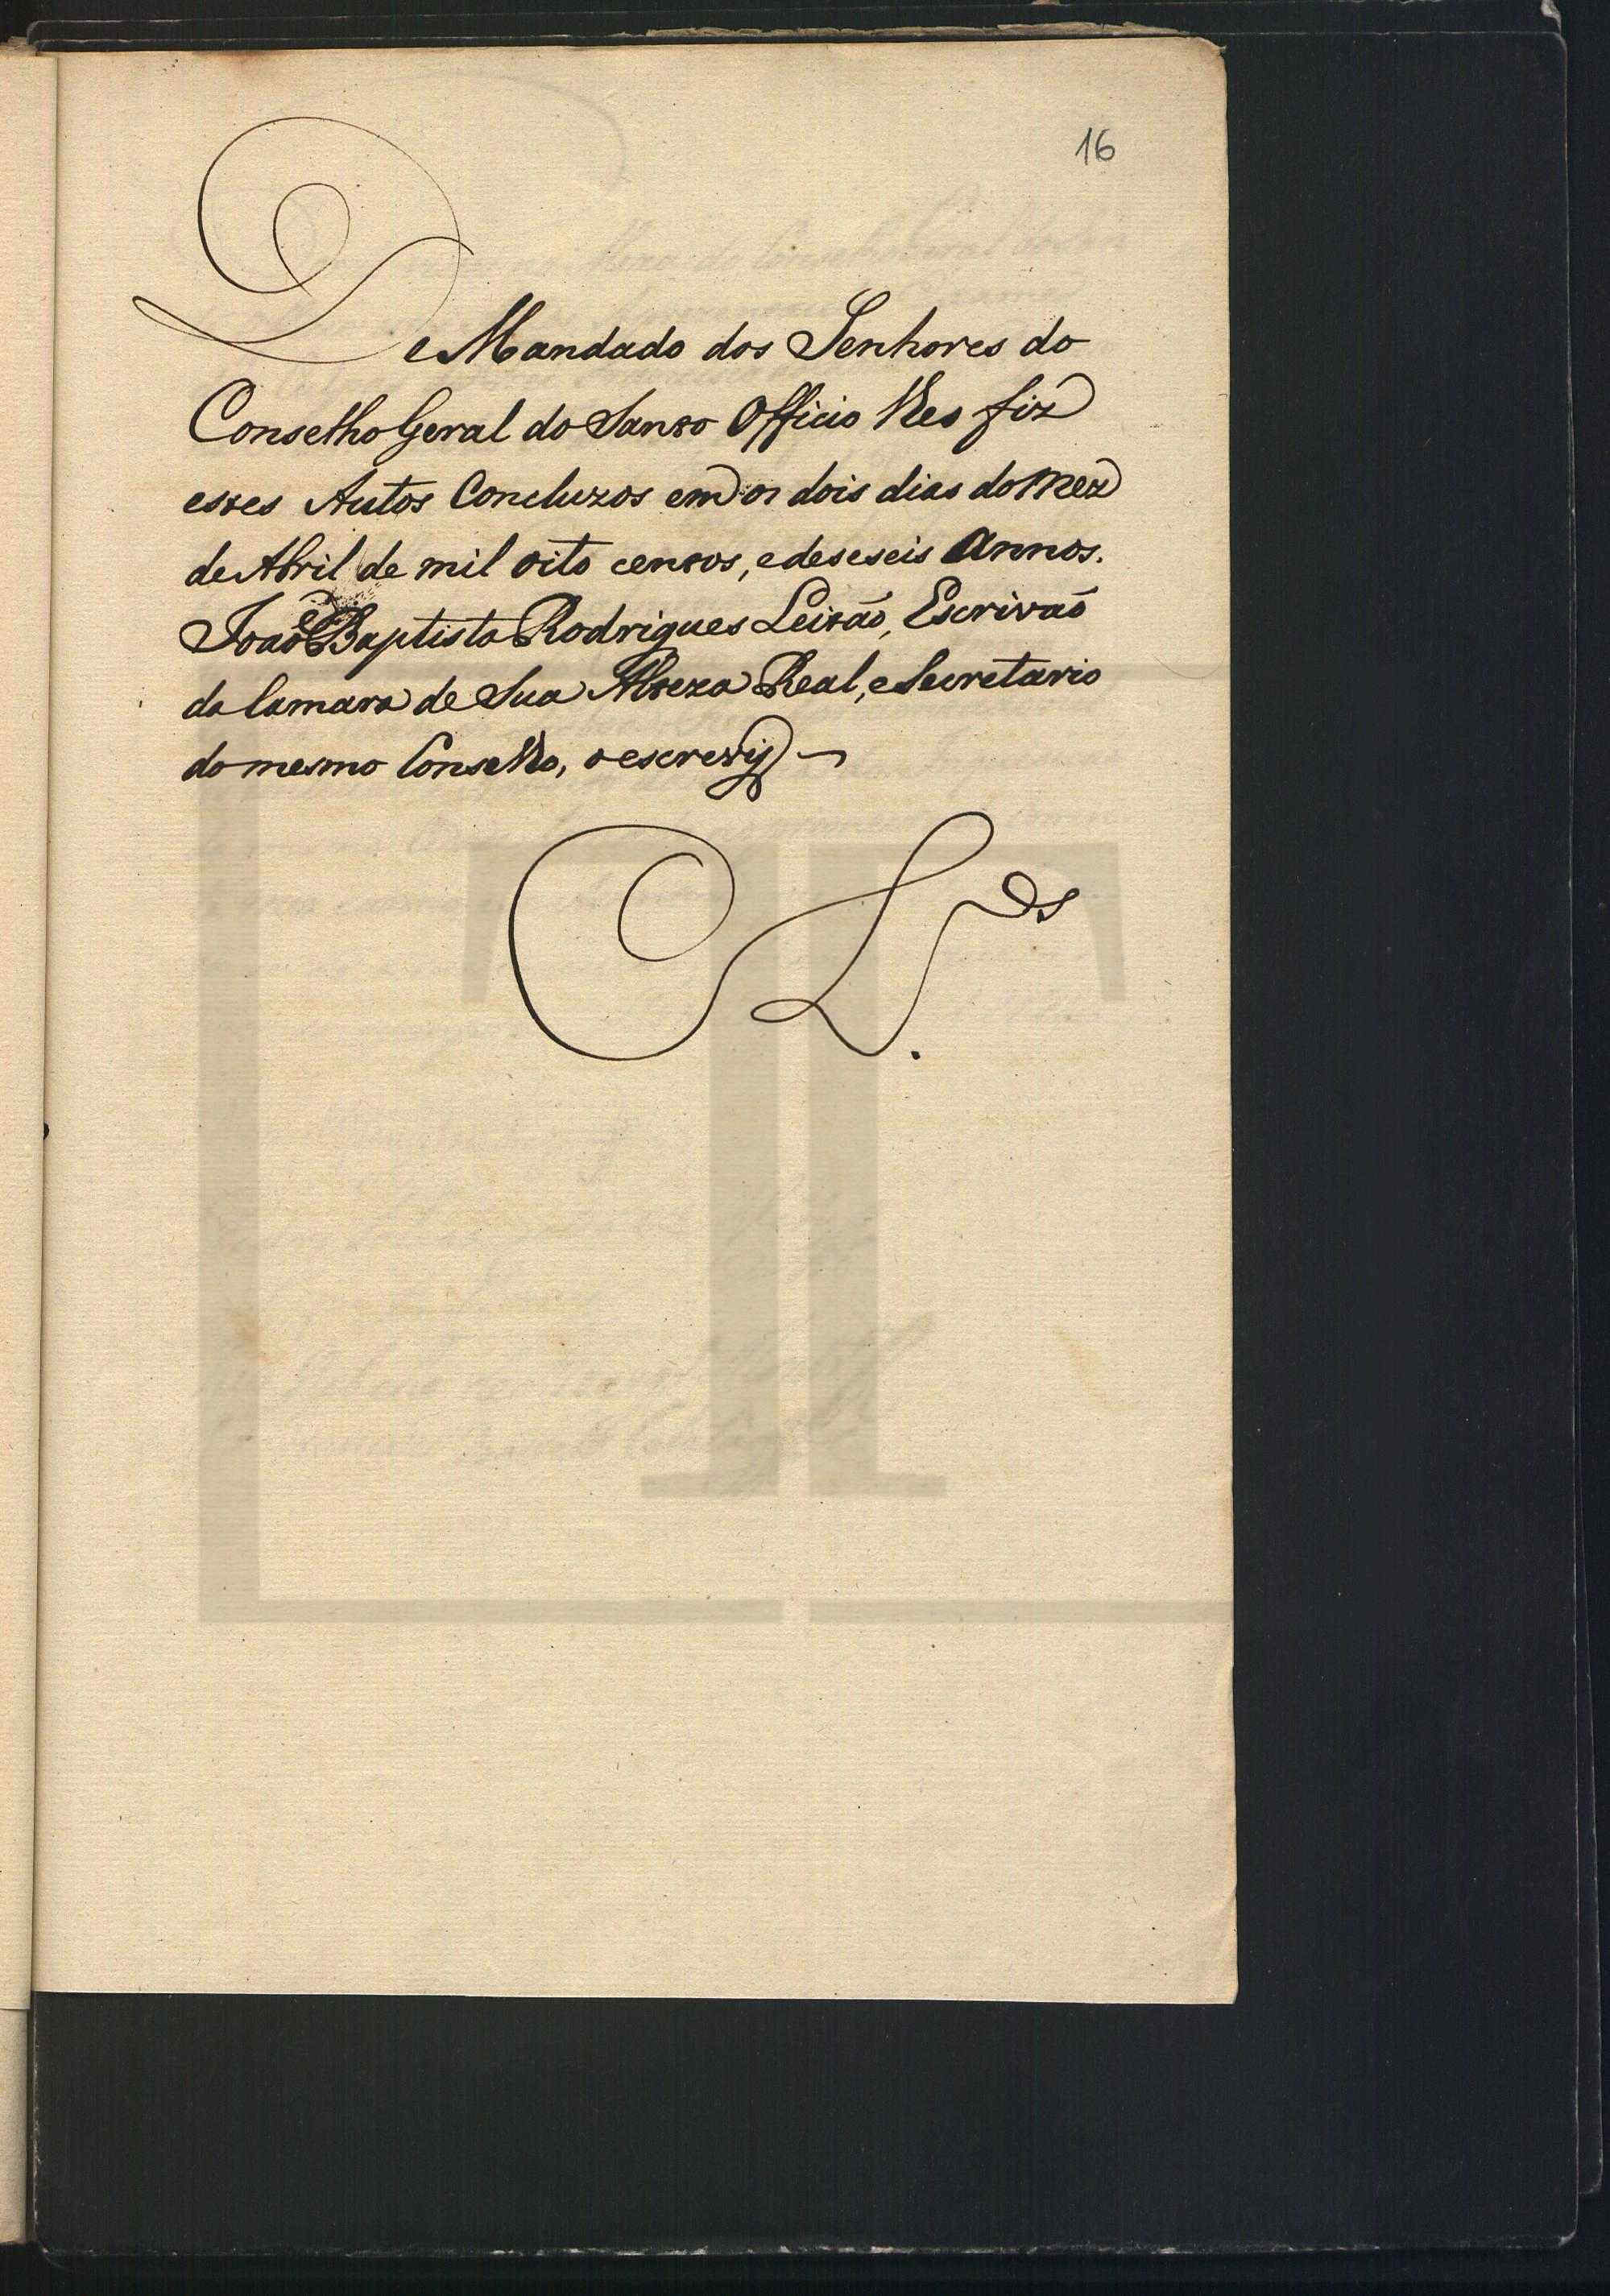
De Mandado dos Senhores do
Conselho Geral do Santo Officio lhes fiz
estes Autos Concluzos em os dois dias do mez
de Abril de mil oitocentos, e deseseis annos.
Ioaõ Baptista Rodrigues Leitaõ, Escrivaõ
da Camara de Sua Alteza Real, e Secretario
do mesmo Conselho, o escrevy
CL.os
